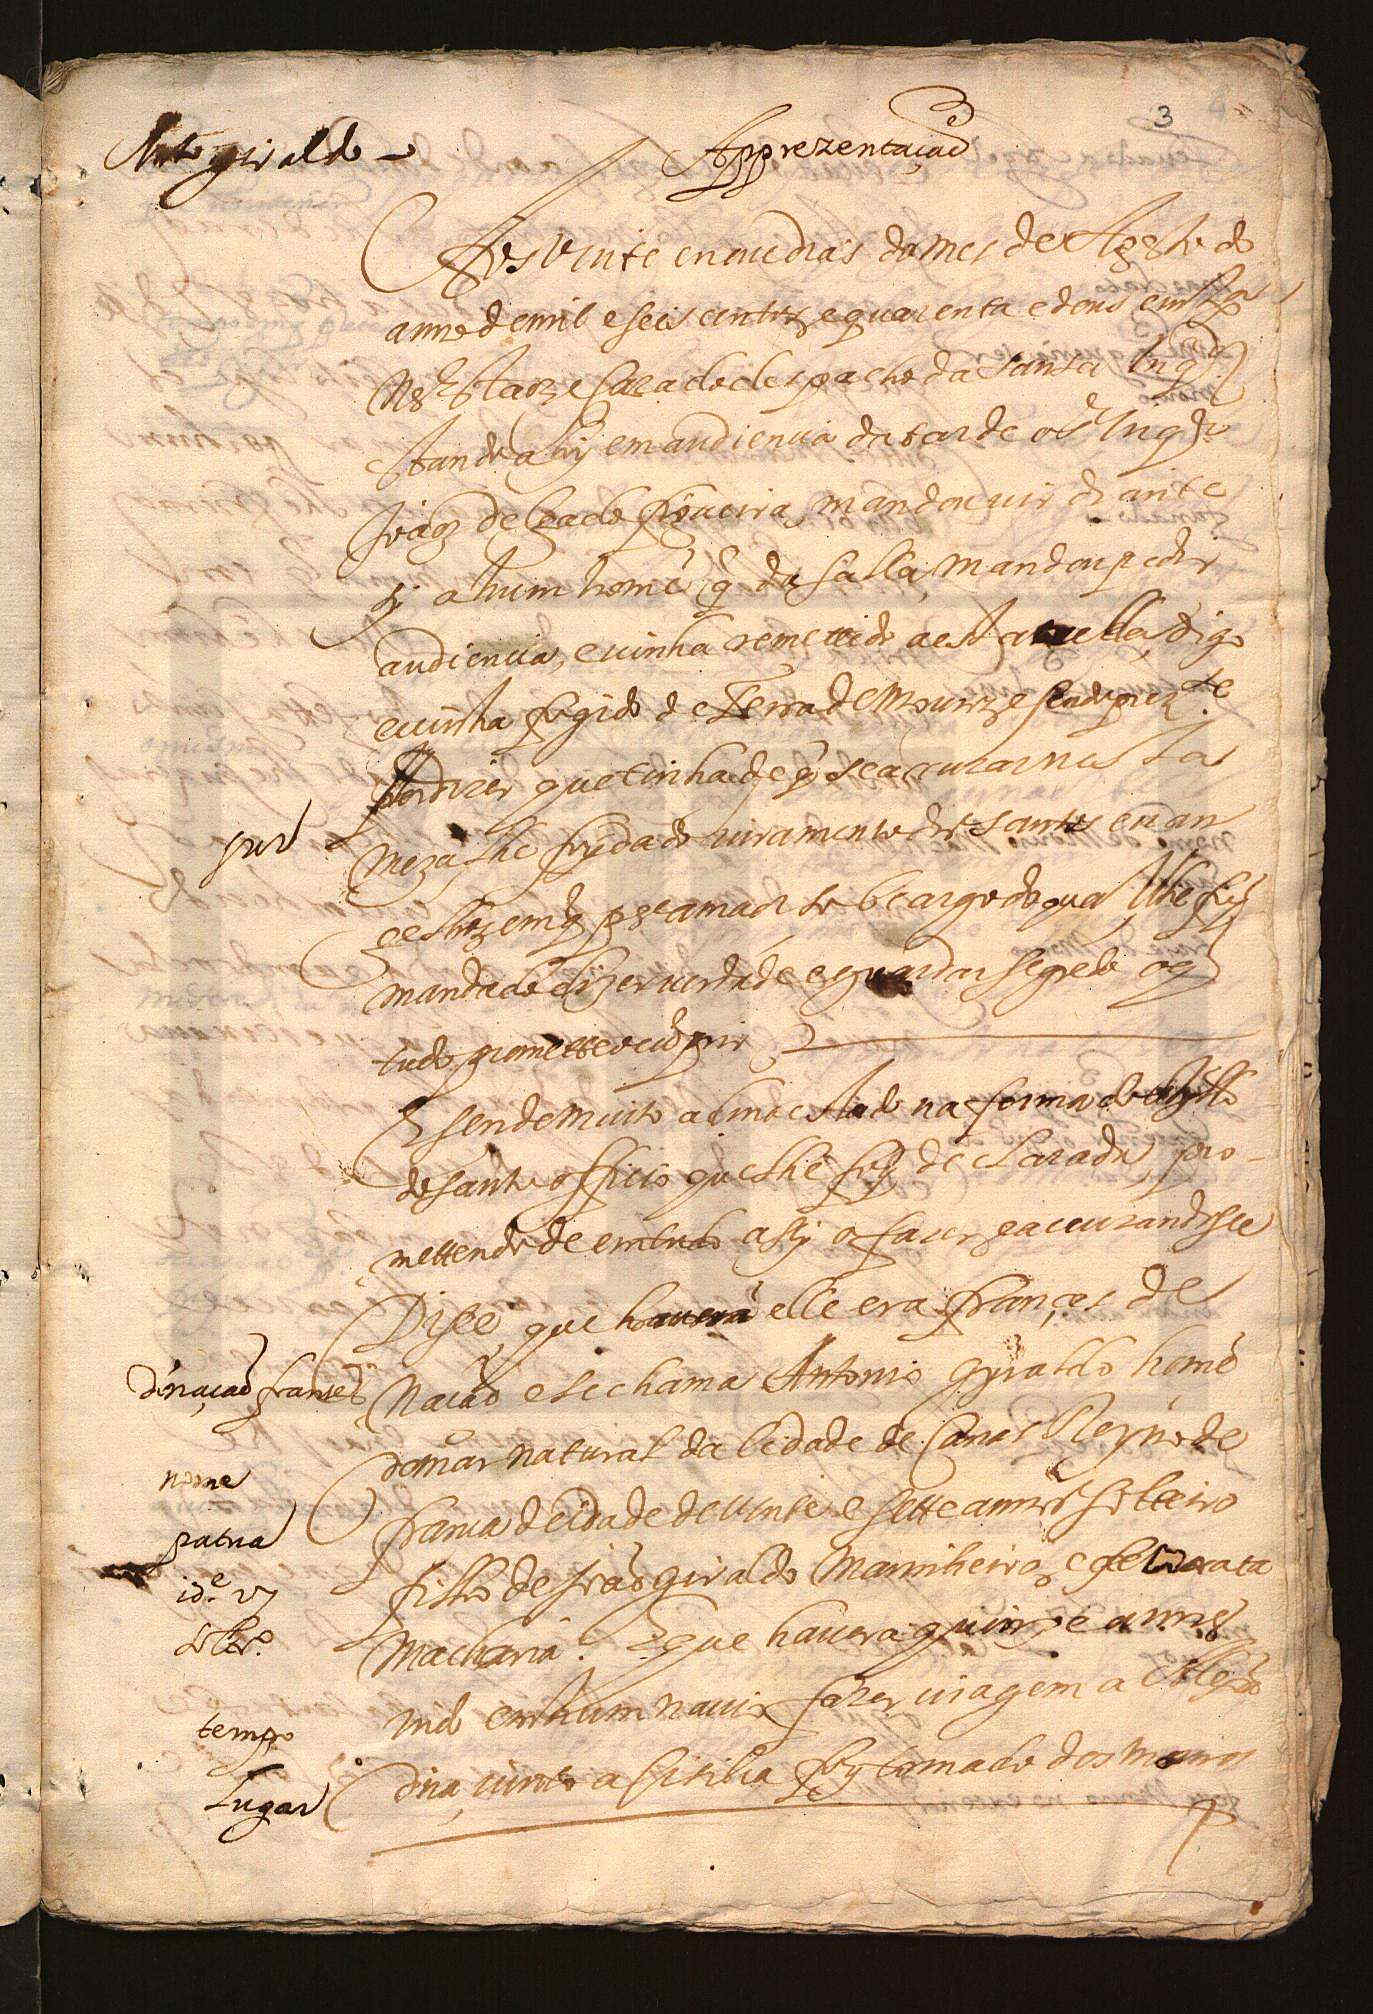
Apprezentaçaõ
Anto giraldo
Aos vinte e noue dias do mes de Agosto do
anno de mil e seiscentos e quarenta e dous em Lxa
nos Estaos, e Caza do despacho da Santa Inq.çaõ
estando ahy em audiencia da tarde o sor Inqor
Joaõ delgado figueira, mandou uir diante
sy a hum homē q̄ da salla mandou pedir
audiencia, e uinha remettido a esta _ella, digo
e uinha fogido de Terra de Mouros e sendo prez.te
por dizer que tinha de q̄ se accuzar nesta
meza lhe foy dado iuramento dos santos euan
jur
gelhos em q̄ pos a maõ sob cargo do qual lhe foy
mandado dizer uerdade e guardar segredo o q̄
tudo prometteo cūprir
E sendo muito admoestado na forma do estyllo
do santo officio que lhe foy declarada, pro
mettendo de em tudo assy o fazer e accuzandosse
Disse que hauerá elle era frances de
de naçaõ franses
nação e se chama Antonio Gyraldo homē
do mar natural da Cidade de Canas Reyno de
nome
frança de idade de uinte e sette annos solteiro
patria
filho de joaõ giraldo marinheiro, e fe_ata
id.e 27
Macharia. E que hauera quinze annos
soltr.o
indo em hum nauio fazer uiagem a Alexā
tempo
dria, iunto a Cisilia foy tomado dos mouros
Lugar
